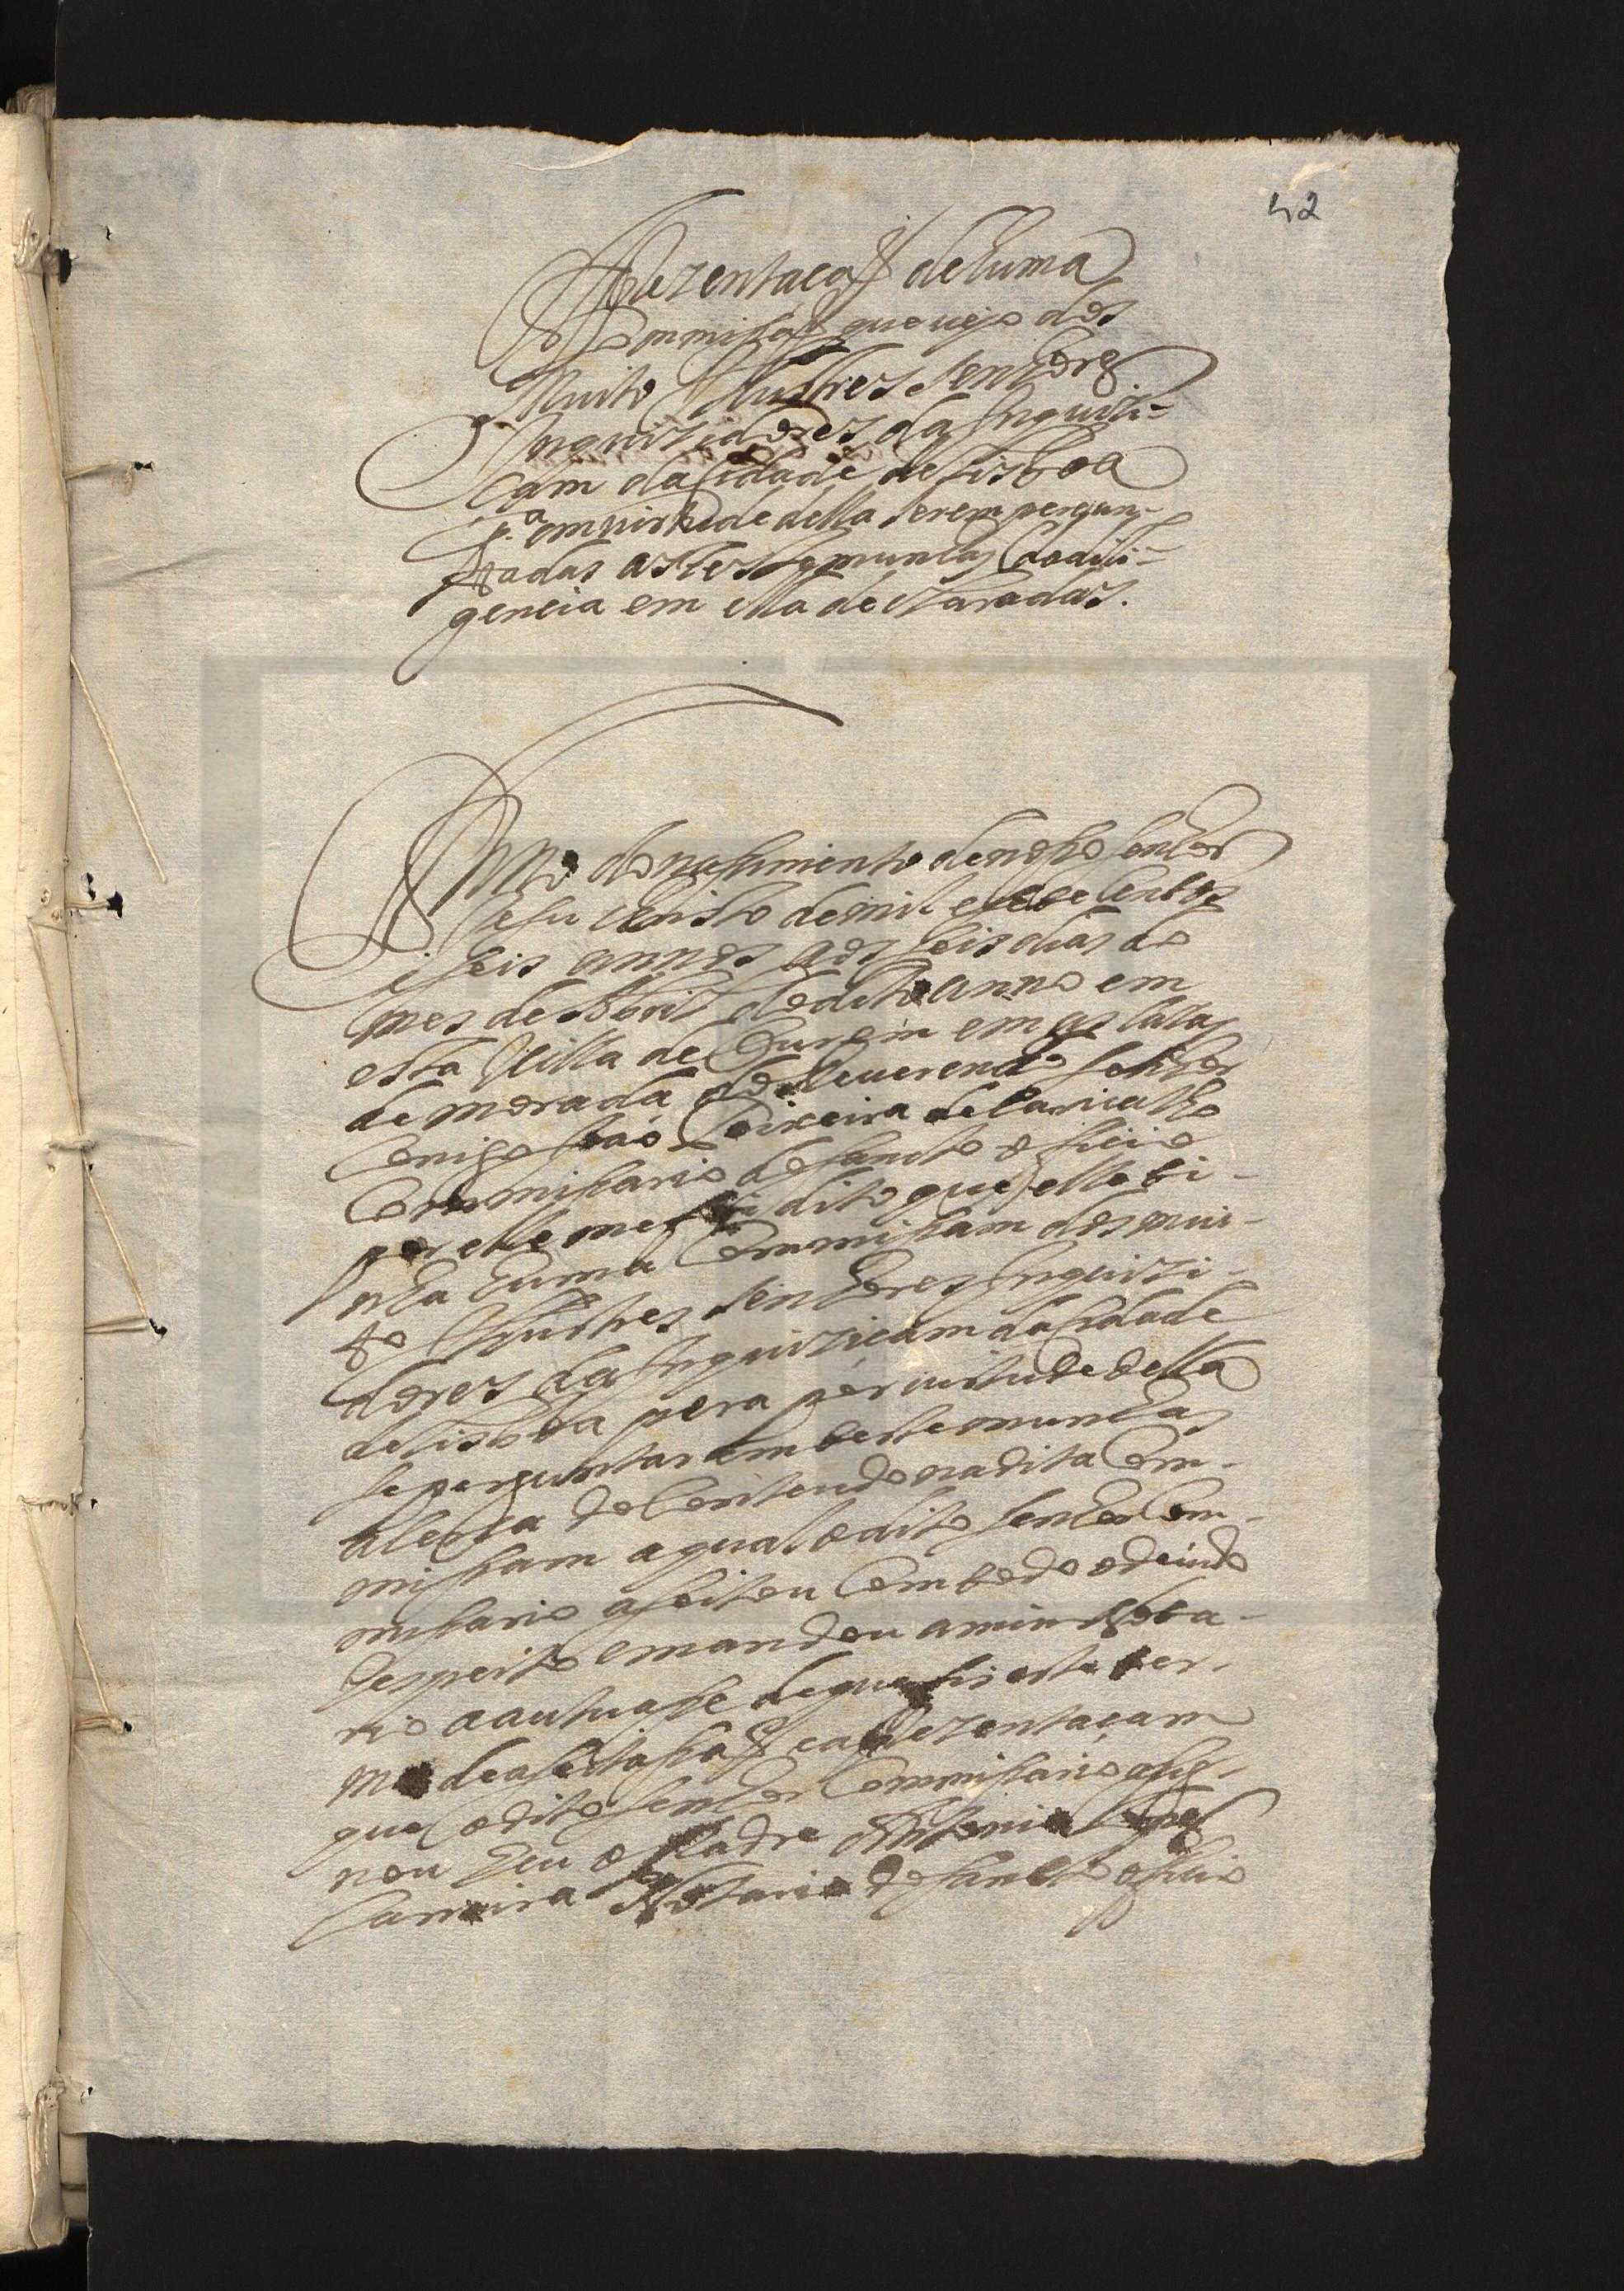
ApRezentaçaõ de huma
Commissaõ que uejo dos
Muito llustres senhores
Jnquizidores da Jnquizi
çam da Cidade de Lisboa
p.a em virtude della serem pergun
tadas as testemunhas da dili
gencia em ella declaradas.
Anno do nassimento de nosso senhor
Jesu christo de mil e seteCentos
e seis annos aos seis dias do
mes de Abril do dito anno em
esta Villa de Ourem em as cazas
de morada do Reuerendo senhor
Conigo Joaõ Teixeira de Carvalho
Commissario do santo oficio
por elle me foi dito que elle ti
nha huma Commissam dos mui
to Jllustres senhores Jnquizi
dores da Jnquiziçam da Cidade
de Lisboa pera por virtude della
se perguntarem testemunhas
acerca do Conteudo na dita Com
missam a qual o dito senhor Com
missario aseitou Com todo o devido
Respeito e mandou a mim Nota
rio o autuasse de que fis este ter
mo de aseitassaõ e apRezentaçam
que o dito senhor Commissario assig
nou e eu o Padre Antonio Lopes
Carreira Notario do sancto officio
